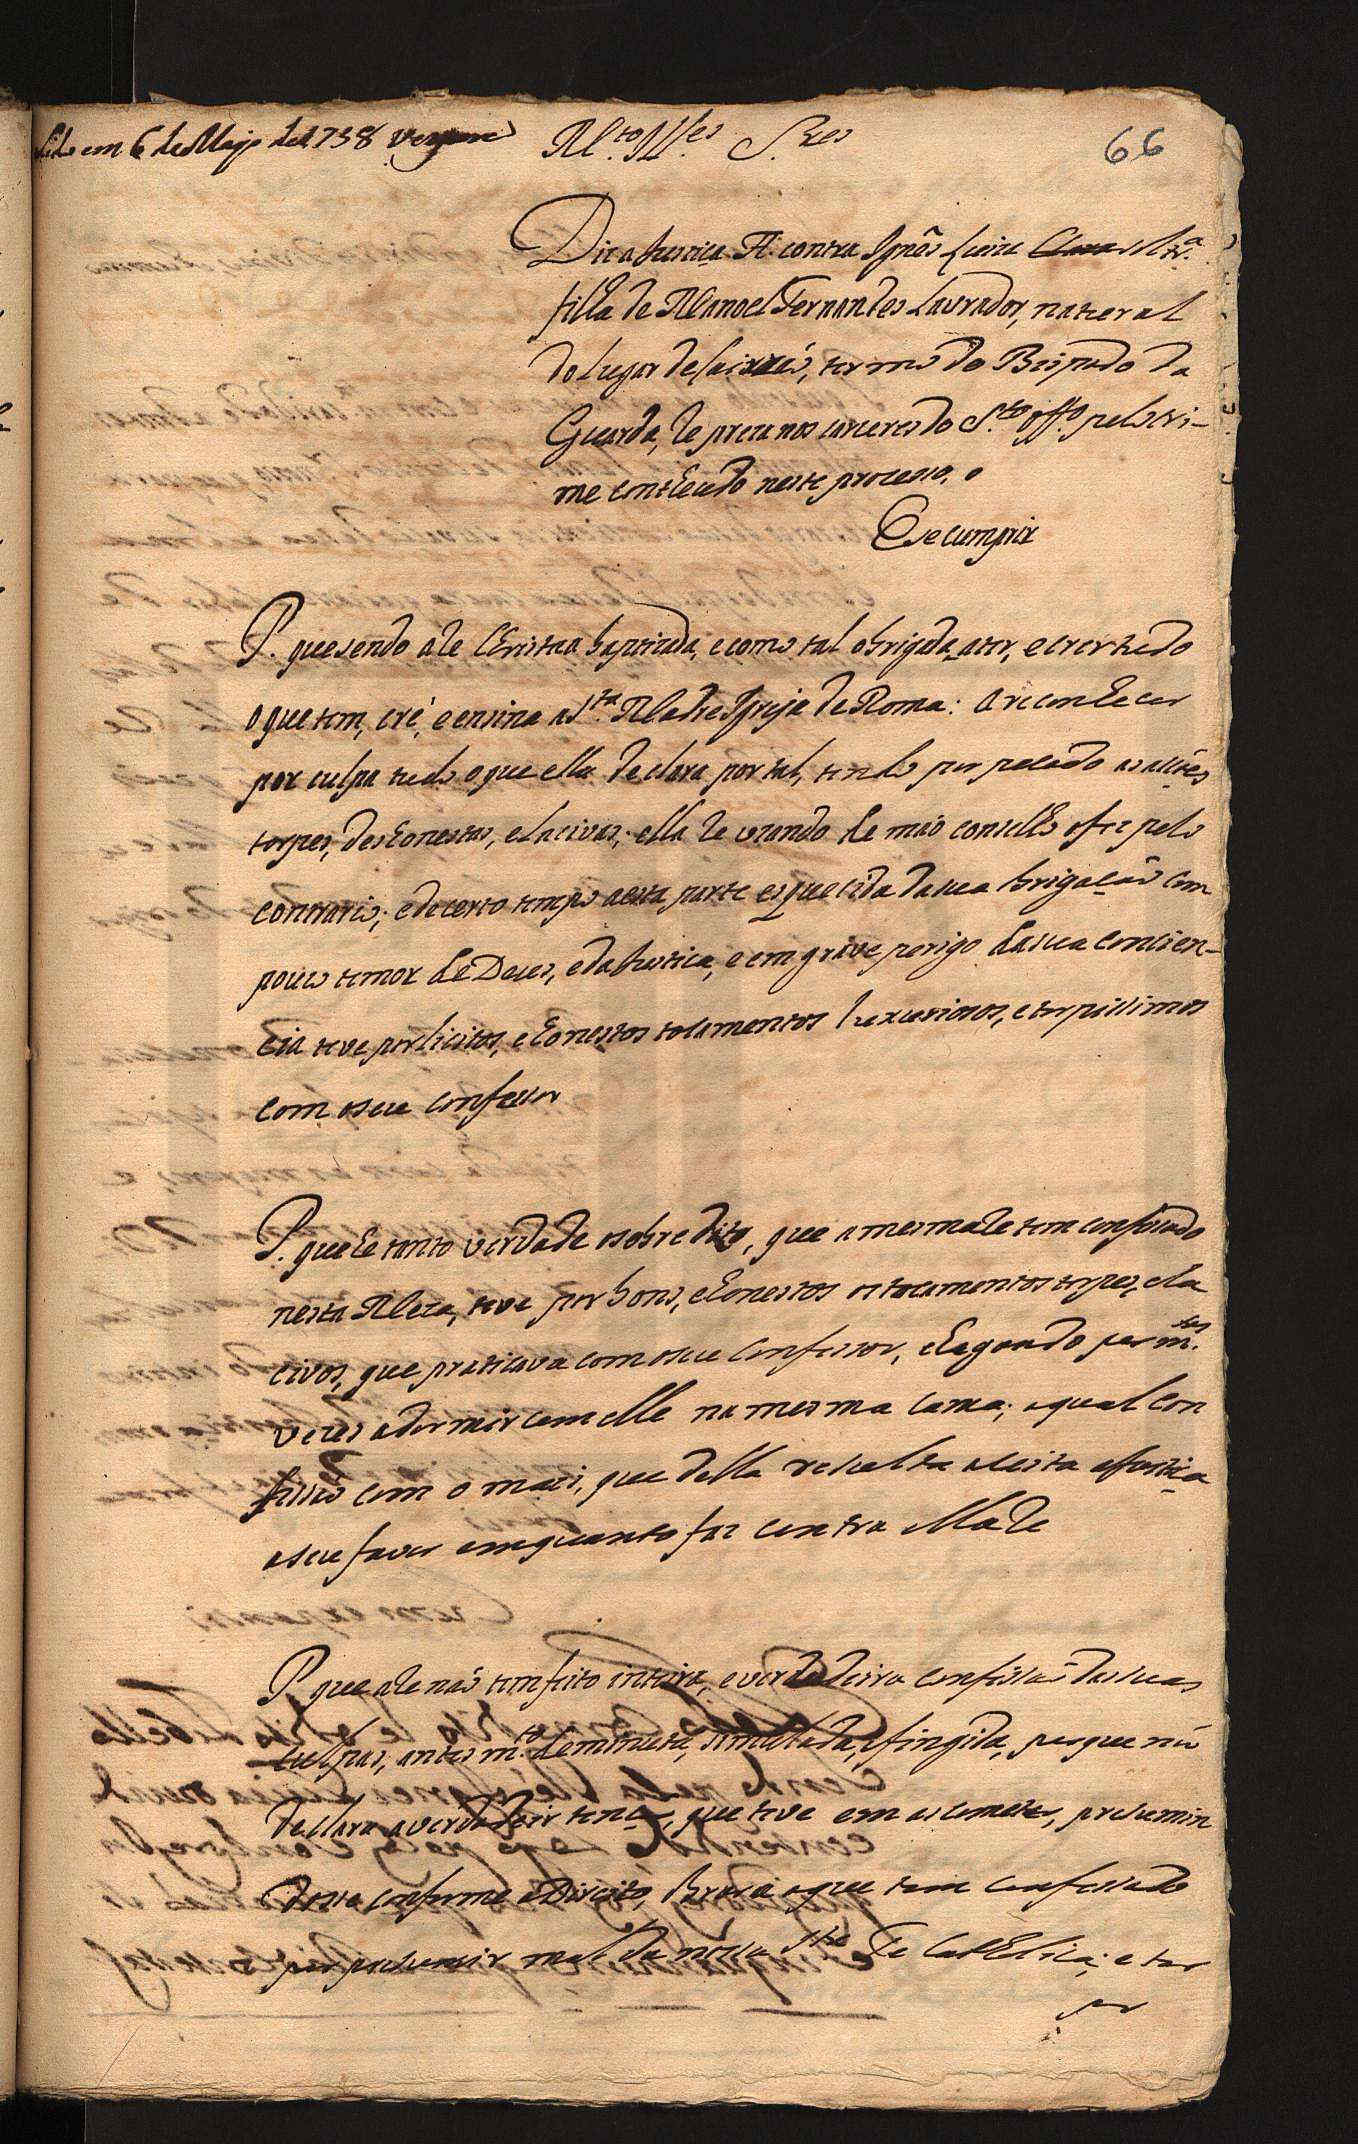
lido em 6 de Majo de 1758 vesp
M.to Ill.es S.res
Diz a Iustiça A. contra Ignês Luiza Clara soltr.a
filha de Manoel Fernandes Lavrador, natural
do Lugar de Cairraõ, termo do Bispado da
Guarda, Re preza nos carceres do S.to off.o pelo cri
me contheudo neste processo, o
E se cumprir
P. que sendo a Re Christaa baptizada, e como tal obrigada a ter, e crer tudo
o que tem, cré, e ensina a s.ta Madre Igreja de Roma: a reconhecer
por culpa tudo o que ella declara por tal, tendo por pecado as acçoẽs
torpes, deshonestas, e lacivas; ella Re vzando de mao conselho o fez pelo
contrario; e de certo tempo a esta parte esquecida da sua obrigaçaõ com
pouco temor de Deus, e da Iustiça, e em grave perigo da sua concien
cia teve por licitos, e honestos tocamentos luxuriosos, e torpissimos
com o seu confessor
P. que he tanto verdade o sobredito, que a mesma Re tem confessado
nesta Meza, teve por bons, e honestos os tocamentos torpes, e la
civos, que praticava com o seu Confessor, chegando por m.tas
vezes a dormir com elle na mesma cama; a qual con
fissaõ com o mais, que della resulta aceita a Justiça
a seu favor emquanto faz contra ella Re
P. que a Re naõ tem feito inteira, e verdadeira confissaõ das suas
culpas, antes m.to deminuta, simulada, e fingida, porque naõ
declara a verdadeir tençaõ, que teve em as cometer, presumin
dosse conforme o Direito, obrara o que tem confessado
por presumir mal de nossa S.ta Fe Catholica; e tor
ser
